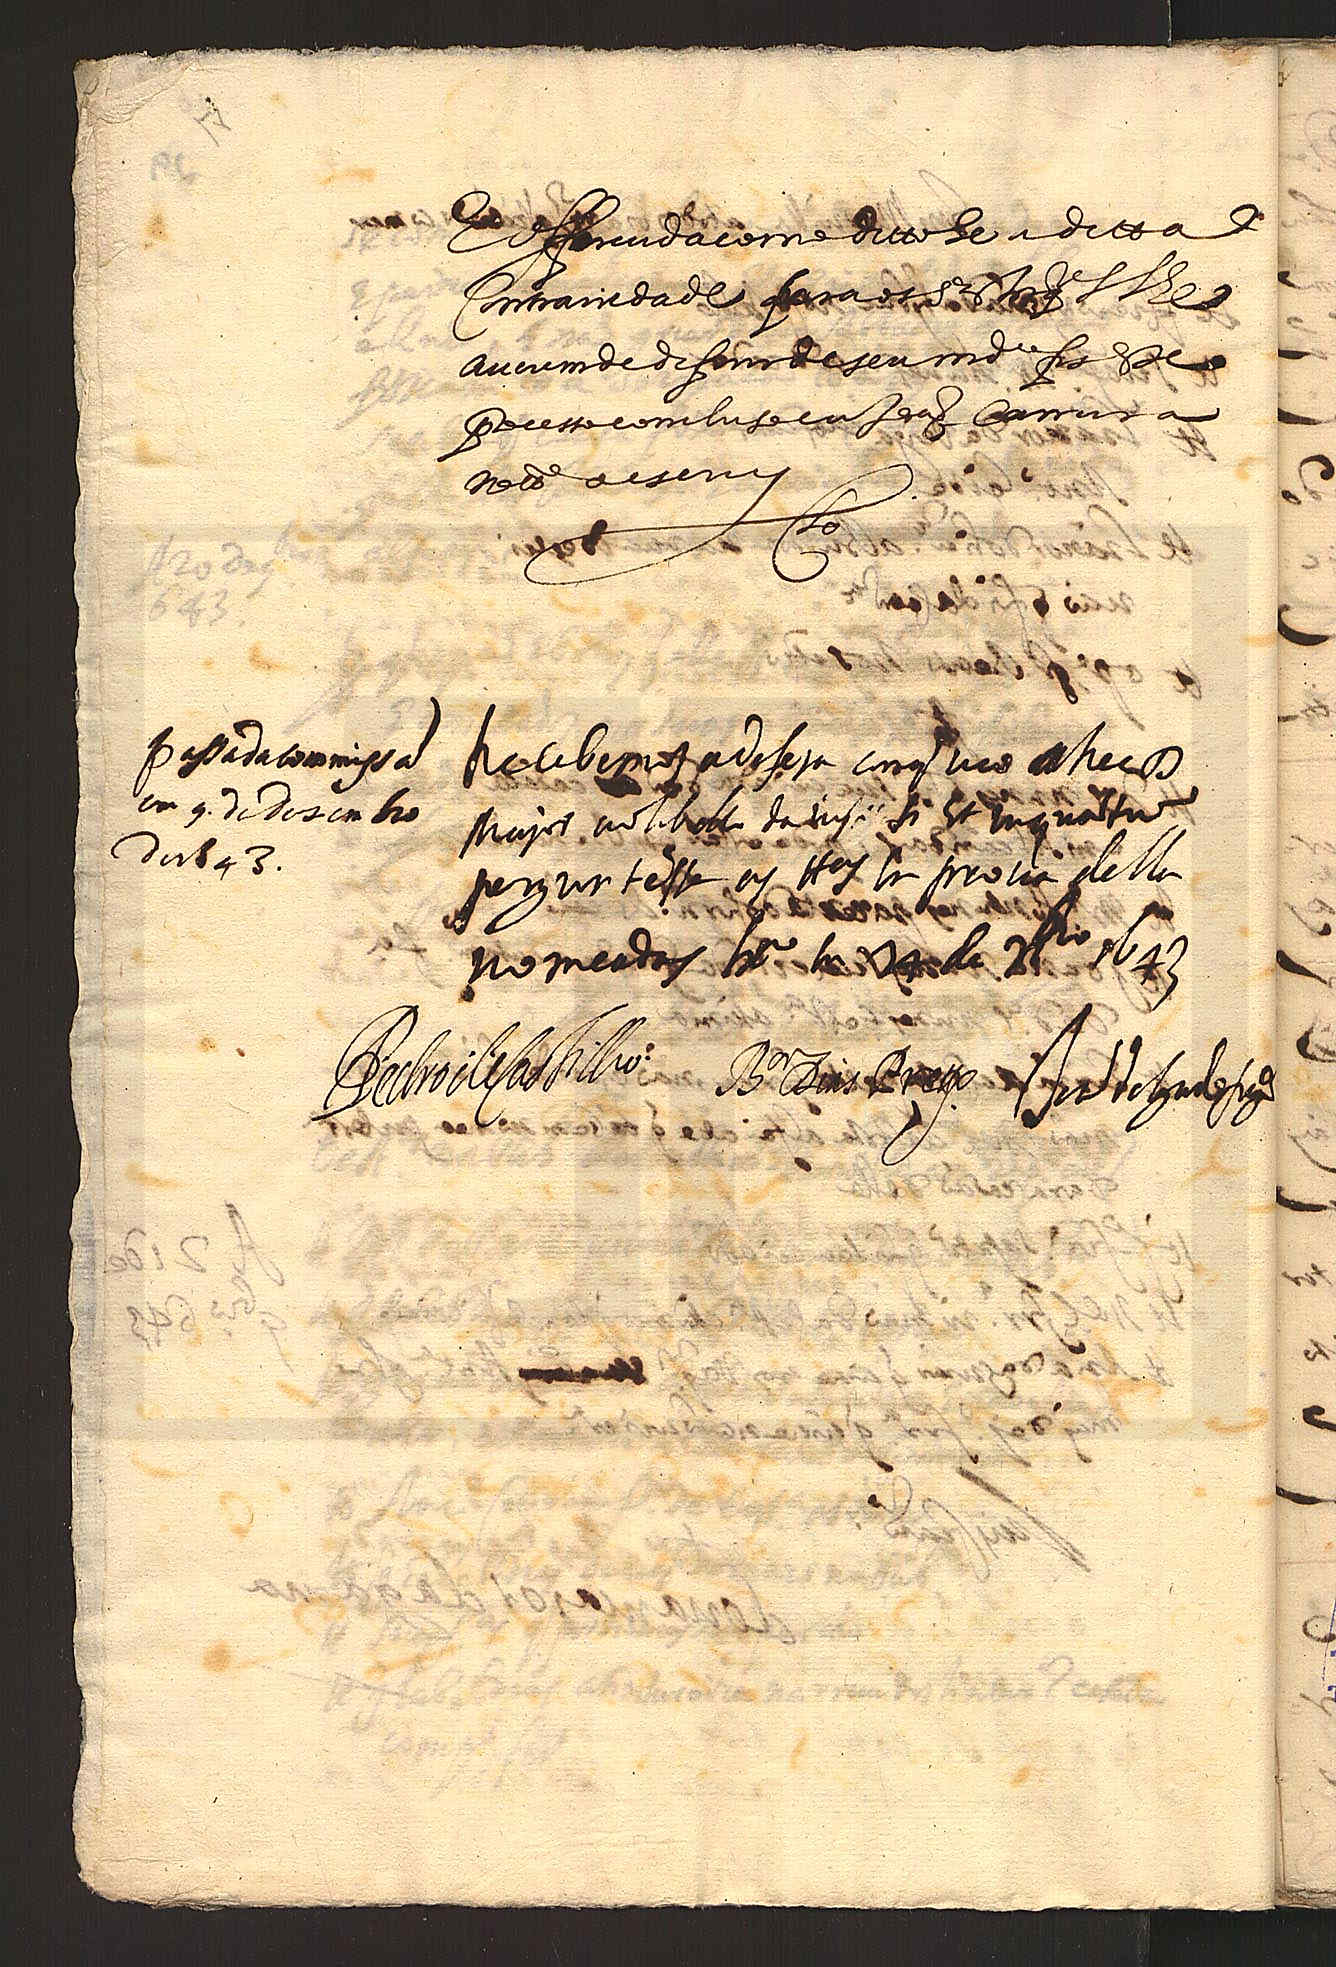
E offerecida como ditto he a ditta
Contrariedade para os S.res Inqres lhe
auerem de deferir de seu mdo fis este
processo concluso eu Joaõ carneiro
notto o escreuj
passada commissa
em 9. de Dezembro
de i643.
Recebemos a defesa com q̄ ueo a Ree D
Major ao libello da iusta si St Inq naõ tiuer
perguntēsse as ttas En proua della
nomeadas Lx en 14 de n.bro 1643
Pedro de Castilho
Bar Luis Prego
Joaõ delgado fgra
